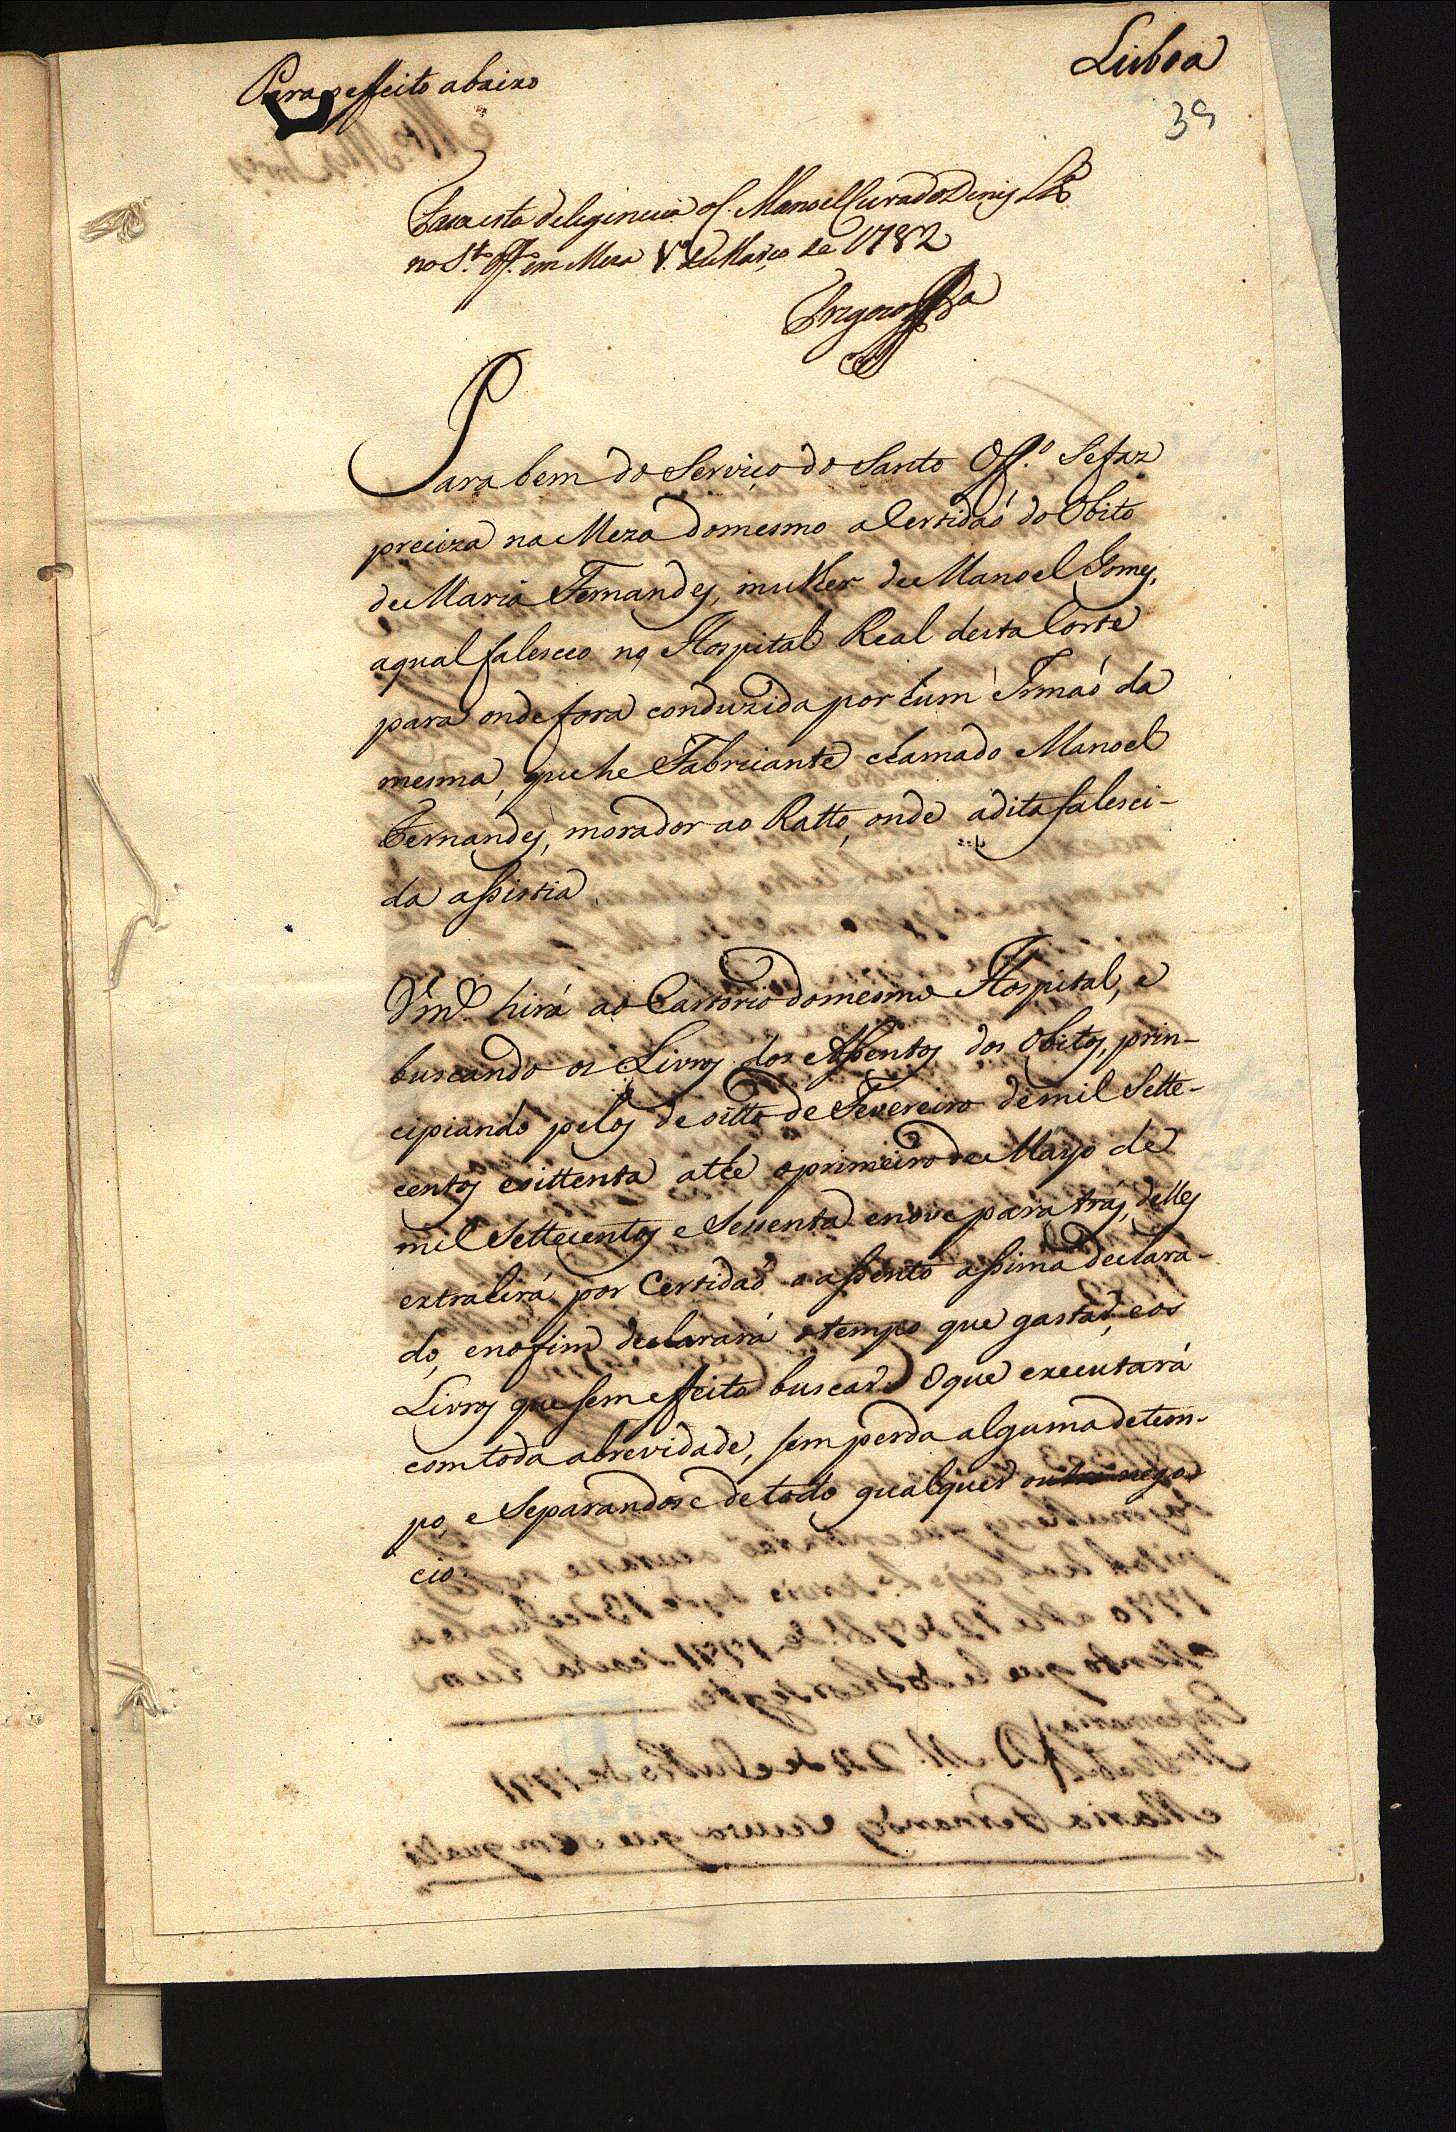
Lisboa
Para o effeito abaixo
Fara esta deligencia o C. Manoel Curado Denis Lxa
no S.to off. em Meza 1.o de Março de 1782
Fragozo
Para bem do Serviço do Santo Off.o Se faz
preciza na Meza do mesmo a Certidaõ do Obito
de Maria Fernandes, mulher de Manoel Gomes,
a qual falesceo no Hospital Real desta Corte
para onde fora conduzida por hum Irmaõ da
mesma, que he Fabricante chamado Manoel
Fernandes morador ao Ratto, onde a dita falesci
da assistia
V m.e hirá ao Cartorio do mesmo Hospital, e
buscando os Livros dos Asentos dos obitos, prin
cipiando pelos de oitto de Fevereiro de mil Sette
centos e oittenta athe o primeiro de Mayo de
mil settecentos e Sessenta e nove para tras delles
extrahirá por certidaõ o assento assima declara
do, e no fim declarará o tempo que gastar, e os
Livros que sem effeito buscar O que executará
com toda a brevidade, sem perda alguma de tem
po, e separandose de todo qualquer outro nego
cio.
